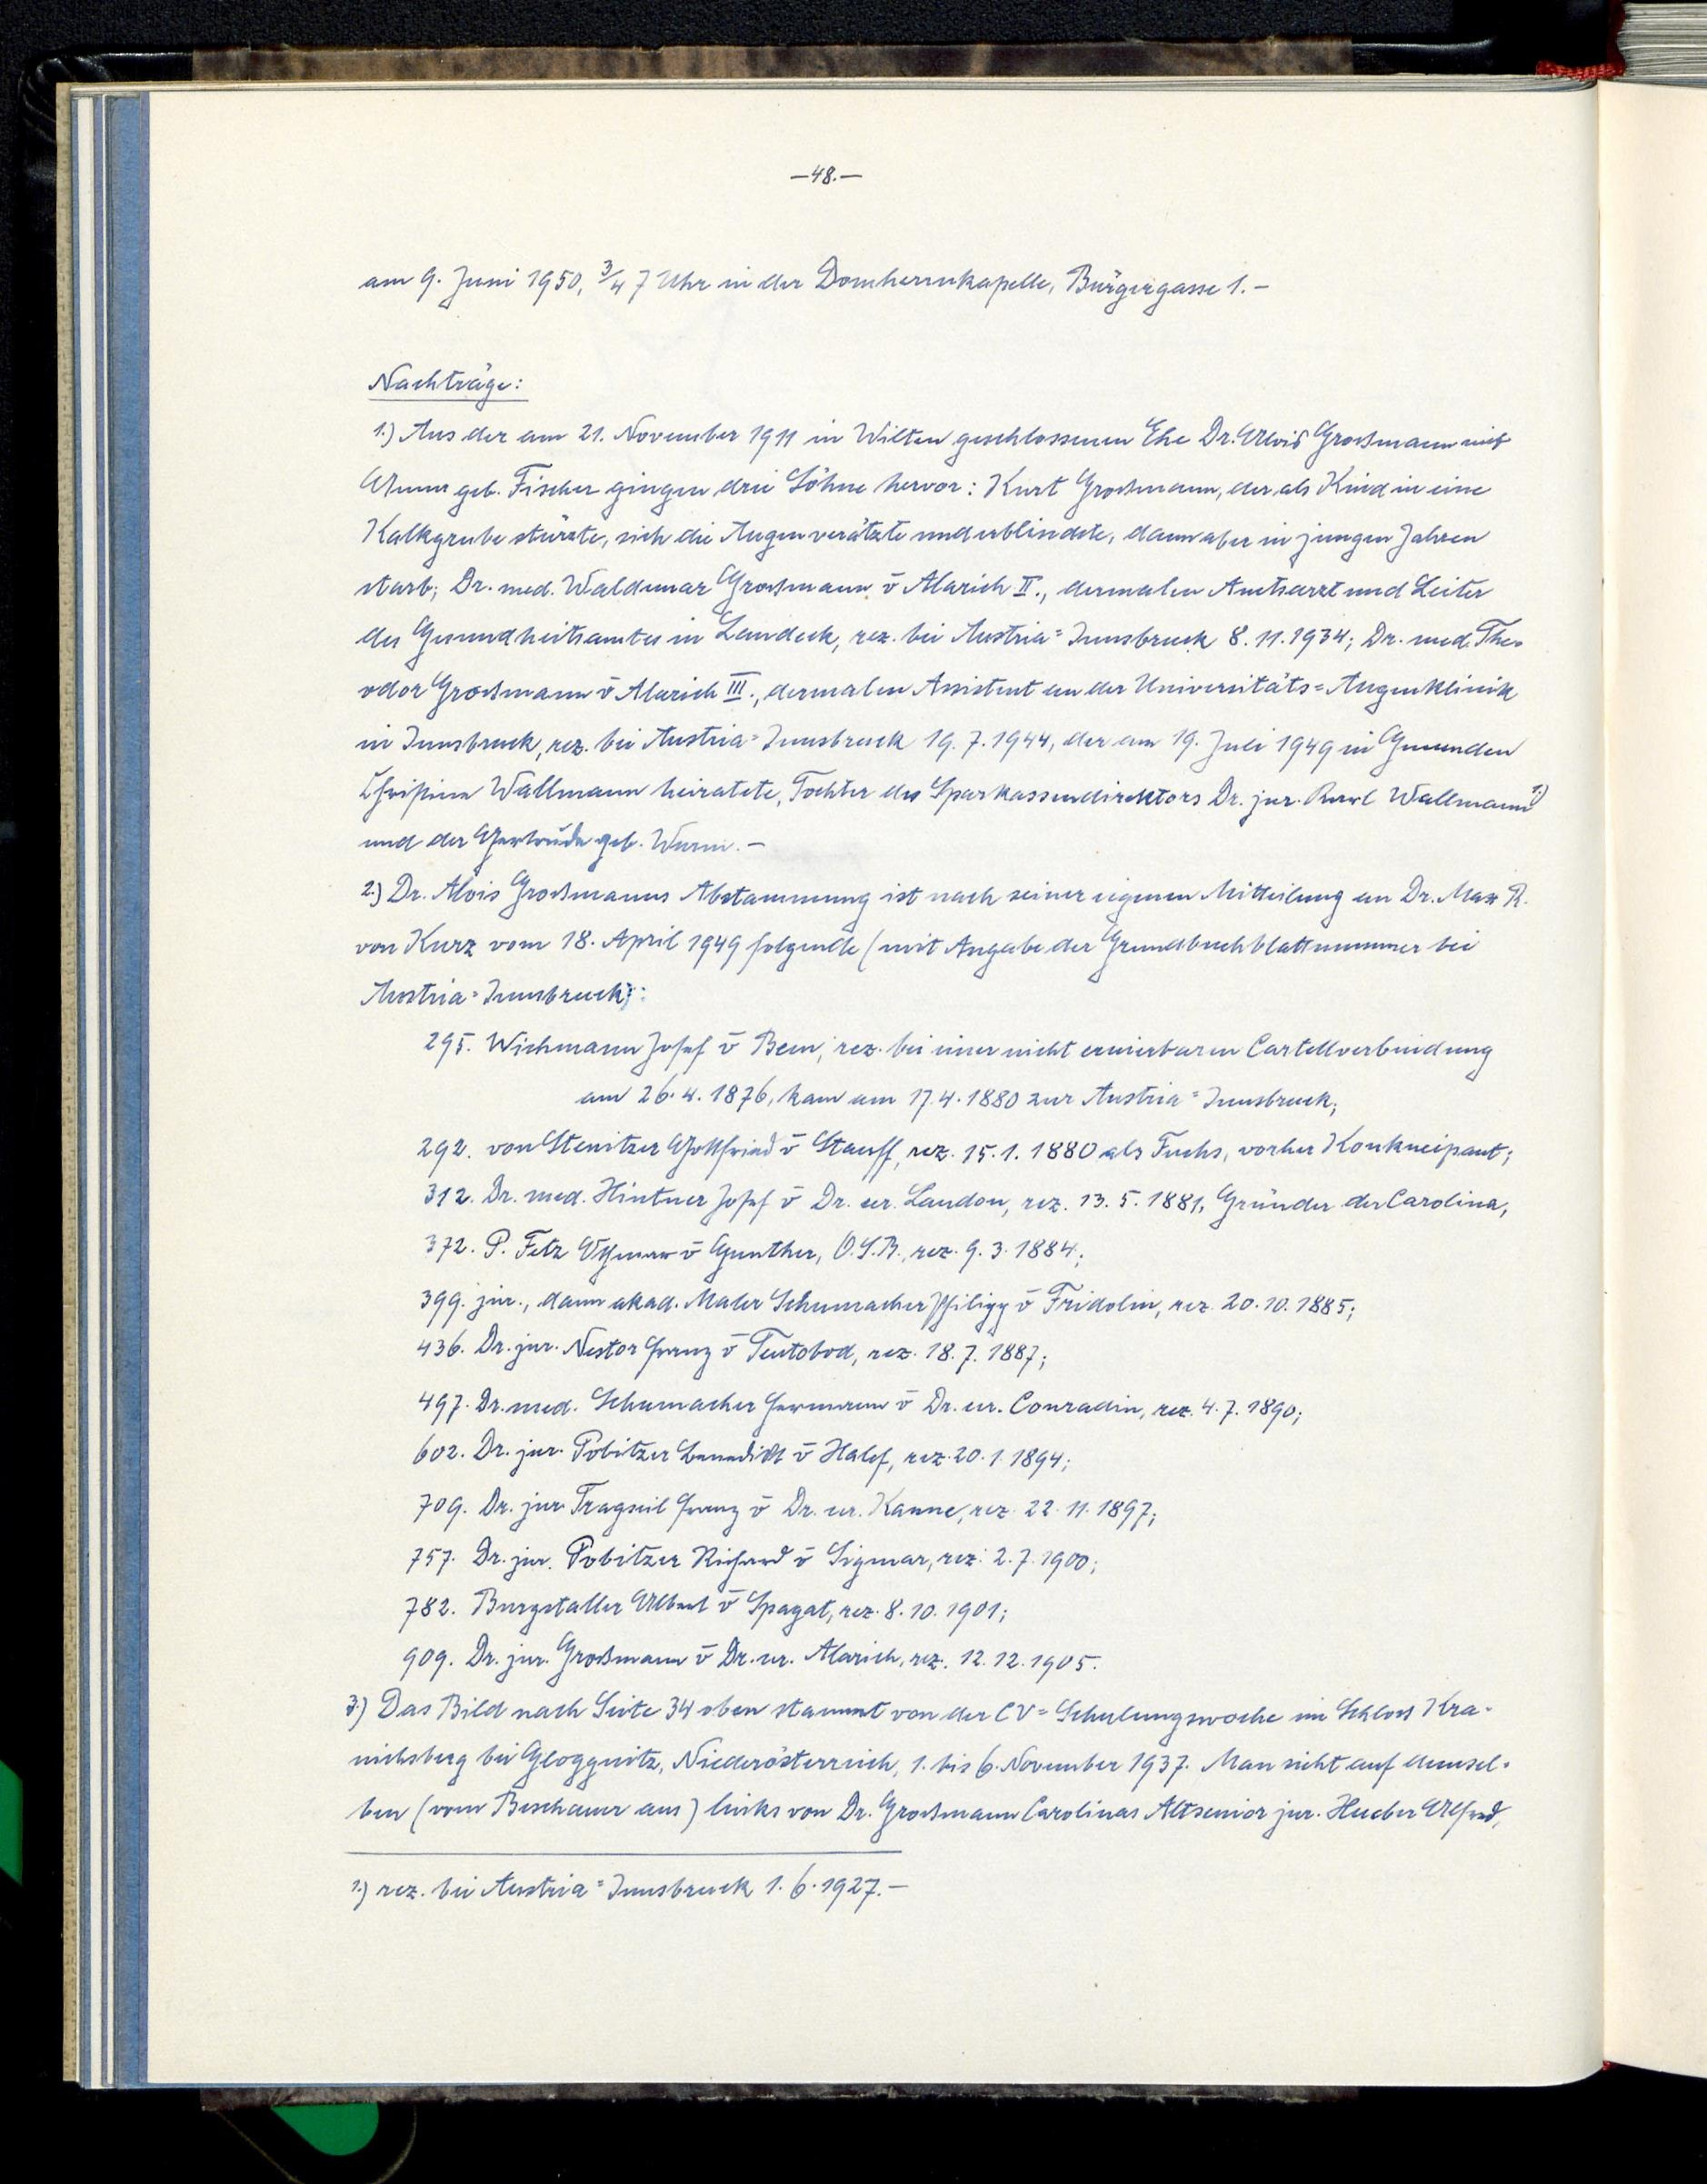48
am 9. Juni 1950, ¾ 7 Uhr in der Domherrenkapelle, Bürgergasse, 1.-
Nachträge:
1) Aus der am 21. November 1911 in Wilten geschlossenen Ehe Dr. Alois Großmann mit
Anna geb. Fischer gingen drei Söhne hervor: Kurt Großmann, der als Kind in eine
Kalkgrube stürzte, sich die Augen verätzte und erblindete, dann aber in jungen Jahren
starb; Dr. med. Waldemar Großmann v/o Alarich II, dermalen Amtsarzt und Leiter
des Gesundheitsamtes in Landeck, rez. bei Austria Innsbruck 8.11.1934; Dr. med. The-
odor Großmann v/o Alarich III, dermalen Assistent an der Universitäts- Augenklinik
in Innsbruck, rez. bei Austria Innsbruck 19.7.1944, der am 19. Juni 1949 in Gmunden
Christine Wallmann heiratete, Tochter des Sparkassendirektors Dr. jur. Karl Wallmann
und der Gertrude geb. Wurm.-
2) Dr. Alois Großmanns Abstammung ist nach seiner eigenen Mitteilung an Dr. Max R
von Kurz vom 8. April 1949 folgende (mit Angabe der Grundbuchblattnummer bei
Austria Innsbruck):
295. Wichmann Josef v/0 Bein, rez. bei einer nicht eruierbaren Cartellverbindung
am 26. 4. 1876, kam am 17.4.1880 zur Austria-Innsbruck;
292. von Stemitzer Gottfried v/0 Stauff, rez. 15.1. 1880 als Fuchs, vorher Konkneipant;
312. Dr med. Hintner Josef v/o Dr. cer. Landon, rez. 13. 5. 1881, Gründer der Carolina,
372 P. Fritz Othmar v/o Gunther, OSB rez 9.3.1884;
399. iur., dann akad. Maler Schumacher Philipp v/o Fridolin, rez. 20.101885;
436. Dr. jur. Nestor Franz v/o Teutobra, rez. 18. 7. 1887;
497. Dr. med. Schumaher Hermann v/o Dr. cer. Conradus, rez. 4.7. 1890;
602. Dr. jur. Pobitzer Benedikt v/o Halof, rez. 20. 1. 1894;
709. Dr. jur. Tragseil Franz v/o Dr. cer. Kanne, rez 22. 11. 1897;
757 Dr. jur. Pobitzer Richard v/o Sigmar, rez 2. 7. 1900;
782. Burgstaller Albert v/o Spagat; rez. 8. 10. 1901;
909. Dr. jur Großmann v/o Dr. iur. Alarich, rez. 12. 12. 1905.
7) Das Bild auf Seite 34 oben stammt von der CV-Schulungswoche im Schloss Kra-
nichsberg bei Gloggnitz, Niederösterreich, 1 bis 6. November 1937. Man sieht auf demsel-
ben (vom Beschauer aus) links von Dr. Großmann Carolinas Altsenior jur. Hucher Alfred,
1) rez. bei Austria- Innsbruck 1.6.1927.-